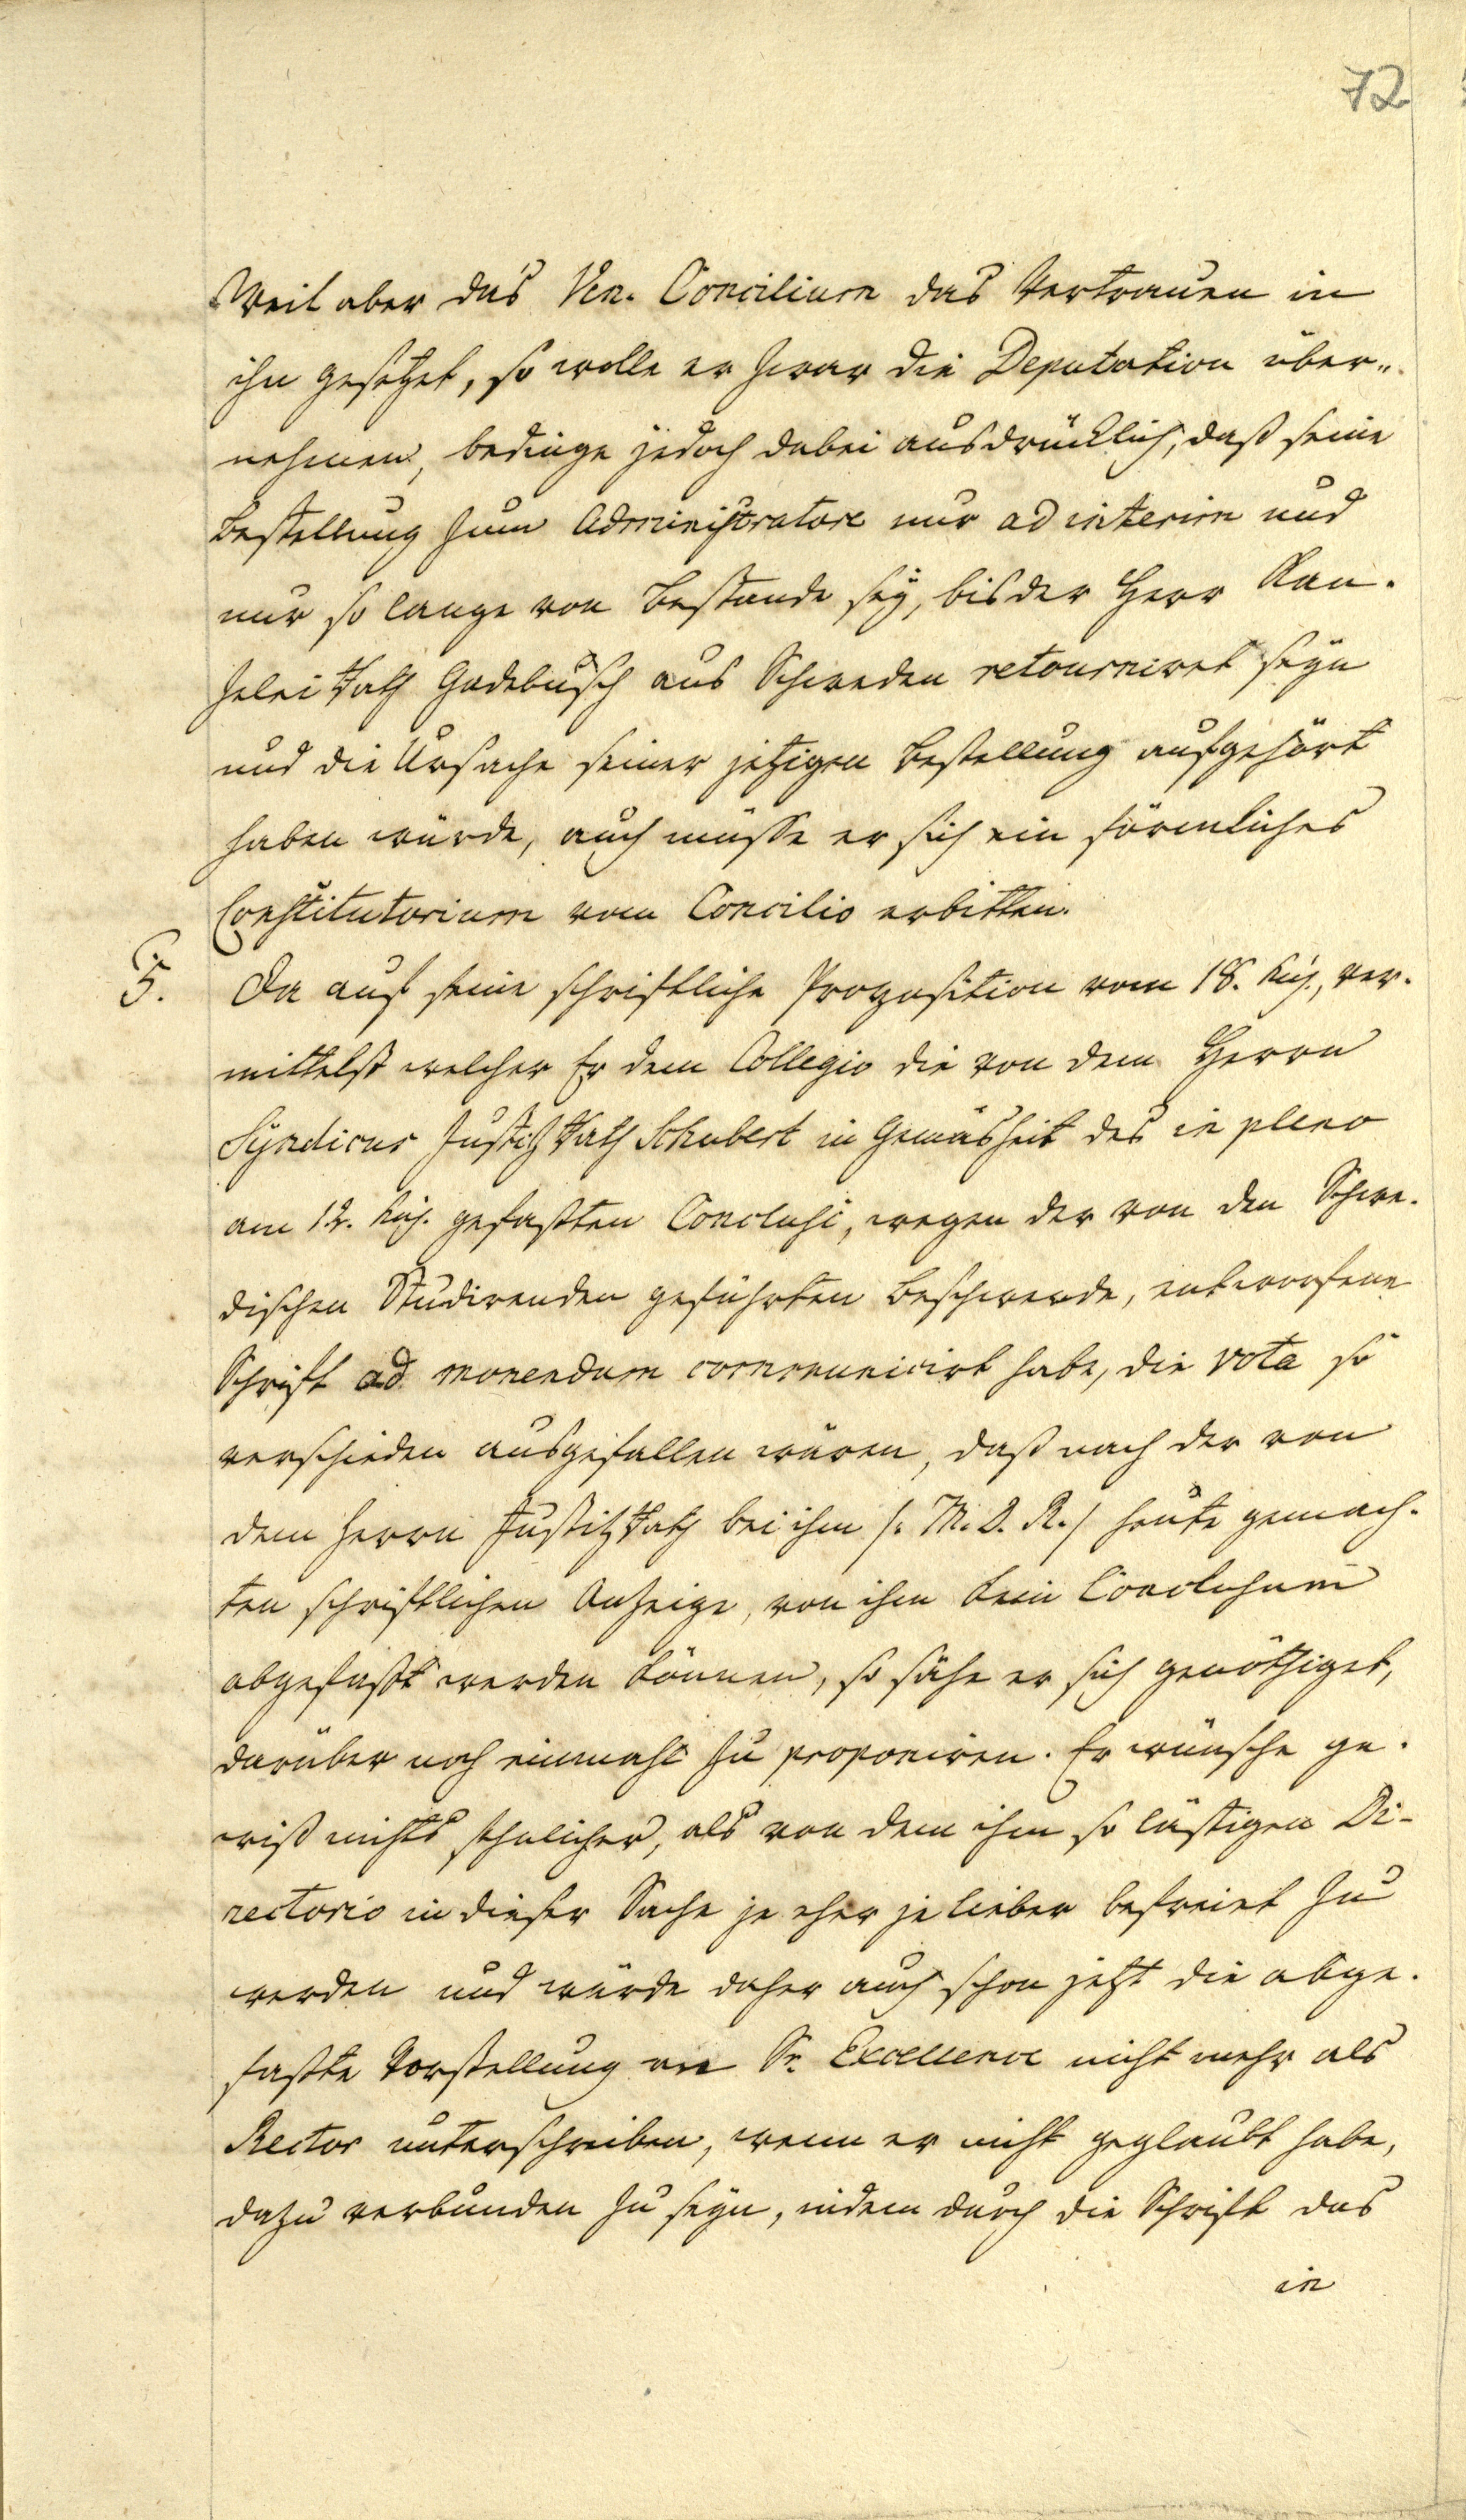Weil aber das Ven. Concilium das Vertrauen in
ihn gesetzet, so wolle er zwar die Deputation über¬
nehmen, bedünge jedoch dabei ausdrücklich, daß seine
Bestellung zum Administratore nur ad interim und
nur so lange von Bestande seÿ, bis der Herr Kan¬
helei Rath Gadebusch aus Schweden retourniret seÿn
und die Ursache seiner jetzigen Bestellung aufgehört
haben würde, auch müsse er sich ein förmliches
Constitutorium vom Concilio erbitten.
5. Da auf seine schriftliche Proposition vom 18. huj., ver¬
mittelst welcher Er dem Collegio die von dem Herrn
Sÿndicus Justiz Rath Schubert in Gemäsheit des in pleno
am 12. huj. gefaßten Conclusi, wegen der von den Schwe¬
dischen Studirenden geführten Beschwerde, entworfene
Schrift ad monendum communicirt habe, die vota so
verschieden ausgefallen wären, daß nach der von
dem Herrn Justitz Rath bei ihm /: M. D. R./ heute gemach¬
ten schriftlichen Anzeige, von ihm kein Conclusum
abgefaßt werden können, so sähe er sich genöthiget,
darüber noch einmahl zu proponiren. Er wünsche ge¬
wiß nichts sehnlicher, als von dem ihm so lästigen Di¬
rectorio in dieser Sache je eher je lieber befreiet zu
werden und würde daher auch schon jetzt die abge¬
faßte Vorstellung an Sr. Excellence nicht mehr als
Rector unterschreiben, wenn er nicht geglaubt habe,
dazu verbunden zu seÿn, indem durch die Schrift das
in